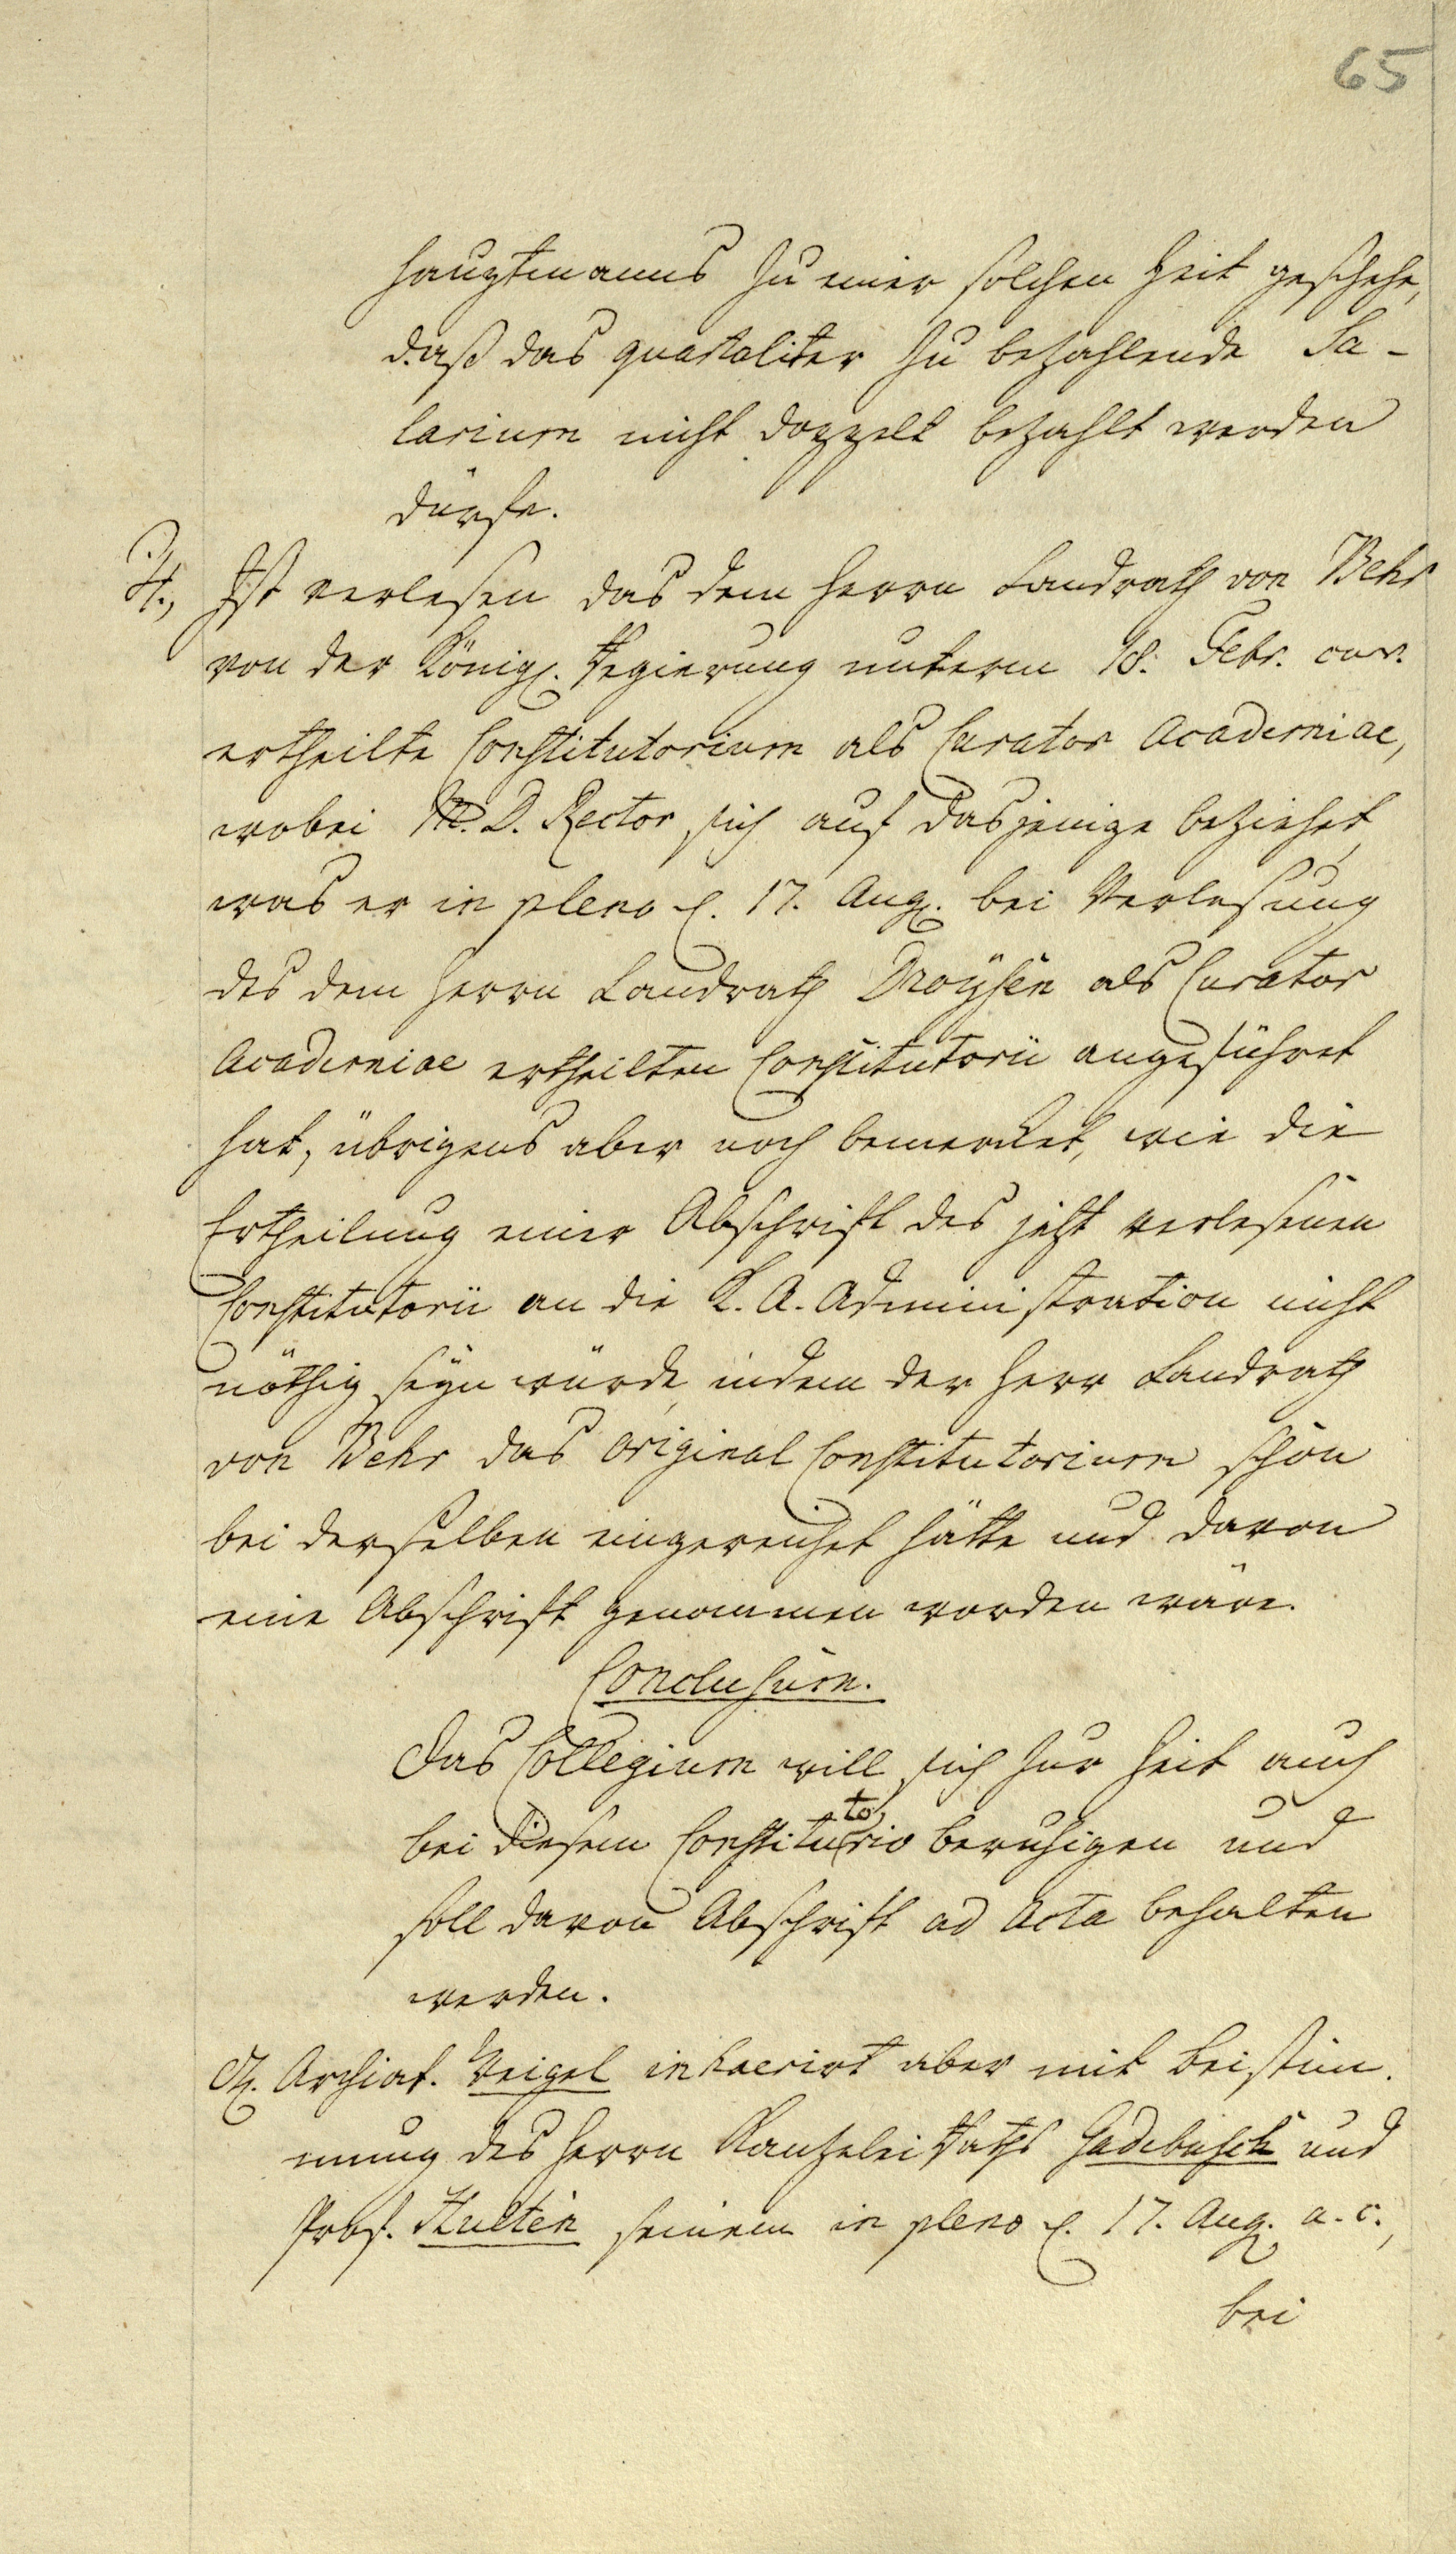hauptmanns zu einer solchen Zeit geschehe,
daß das quartaliter zu bezahlende Sa¬
larium nicht doppelt bezahlt werden
dürfe.
4., Ist verlesen das dem Herrn Landrath von Behr
von der Königl Regierung unterm 18. Febr. cur.
ertheilte Constitutorium als Curator Academiae,
wobei M D. Rector sich auf dasjenige beziehet,
was er in pleno d. 17. Aug. bei Verlesung
des dem Herrn Landrath Droÿsen als Curator
Academiae ertheilten Constitutorii angeführet
hat, übrigens aber noch bemercket, wie die
Ertheilung einer Abschrift des jetzt verlesenen
Contitutorii an die K. A. Administration nicht
nöthig seÿn würde, indem der Herr Landrath
von Behr das Original Constitutorium schon
bei derselben eingereichet hätte und davon
eine Abschrift genommen worden wäre.
Conclusum.
Das Collegium will sich zur Zeit auch
bei diesem Constitutorio beruhigen und
soll davon Abschrift ad Acta behalten
werden.
dh. Archiat. Weigel inhaerirt aber mit Beistim¬
mung des Herrn Kanzelei Raths Gadebusch und
Prof. Hultén seinem in pleno d. 17. Aug., a. c.
bei